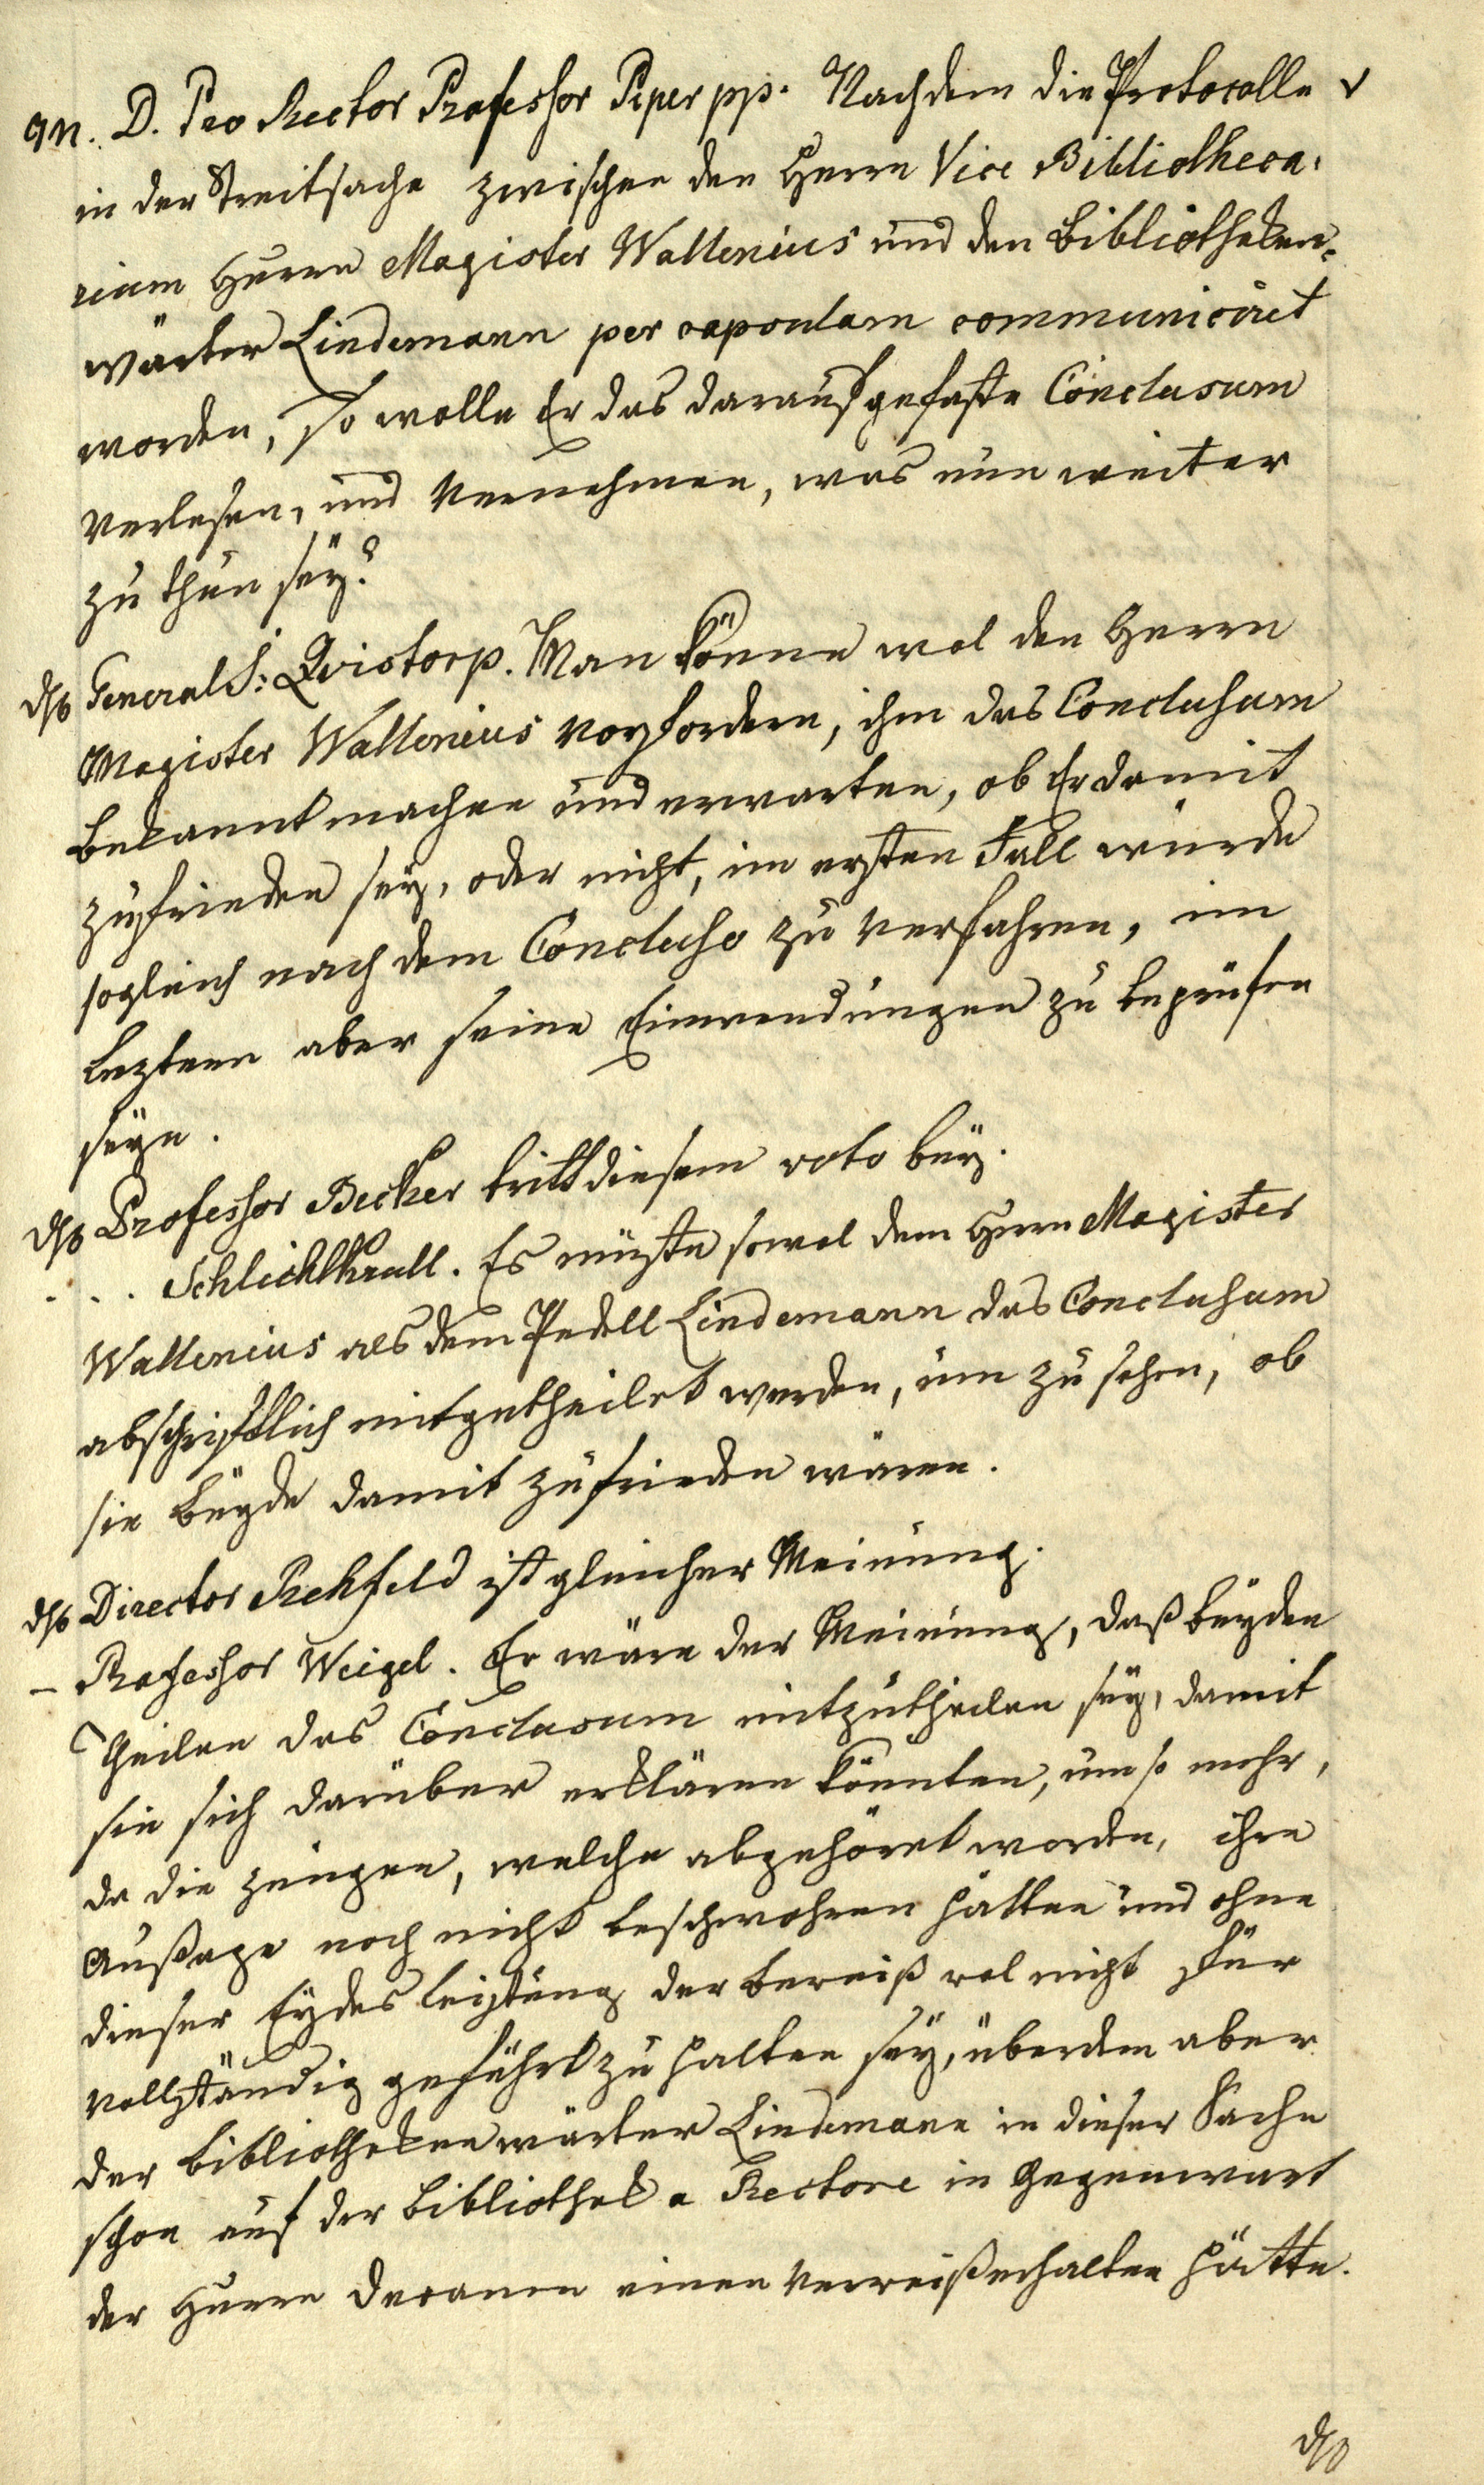M. D. Pro Rector Professor Piper pp. Nachdem die Protocolle
in der Streitsache zwischen den Herrn Vice Bibliotheca¬
rium Herrn Magister Wallenius und dem Bibliotheken¬
wärter Lindemann per capsulam communiciret
worden, so wolle Er das darauf gefaste Conclusum
verlesen, und vernehmen, was nun weiter
zu thun seÿ?
dh GeneralS. Quistorp. Man könne wol den Herrn
Magister Wallenius vorfordern, ihm das Conclusum
bekannt machen und erwarten, ob Er damit
zufrieden seÿ, oder nicht, im ersten Fall würde
sogleich nach dem Concluso zu verfahren, im
leztern aber seine Einwendungen zu beprüfen
seÿn.
dh Professor Becker tritt diesem voto beÿ.
Schlichtkrull. Es müste sowol dem Herrn Magister
Wallenius als dem Pedell Lindemann das Conclusum
abschriftlich mitgetheilet werden, um zu sehen, ob
sie beÿde damit zufrieden wären.
dh Director Rehfeld ist gleicher Meinung.
Professor Weigel. Er wäre der Meinung, daß beÿden
Theilen das Conclusum mitzutheilen seÿ, damit
sie sich darüber erklären könnten, um so mehr,
da die Zeugen, welche abgehöret worden, ihre
Aussage noch nicht beschwohren hätten und ohne
dieser Eÿdes leistung der Beweiß wol nicht für
vollständig geführt zu halten seÿ, überdem aber
der Bibliothekenwärter Lindemann in dieser Sache
schon auf der Bibliothek a Rectore in Gegenwart
der Herrn Decanen einen Verweiß erhalten hätte.
dh